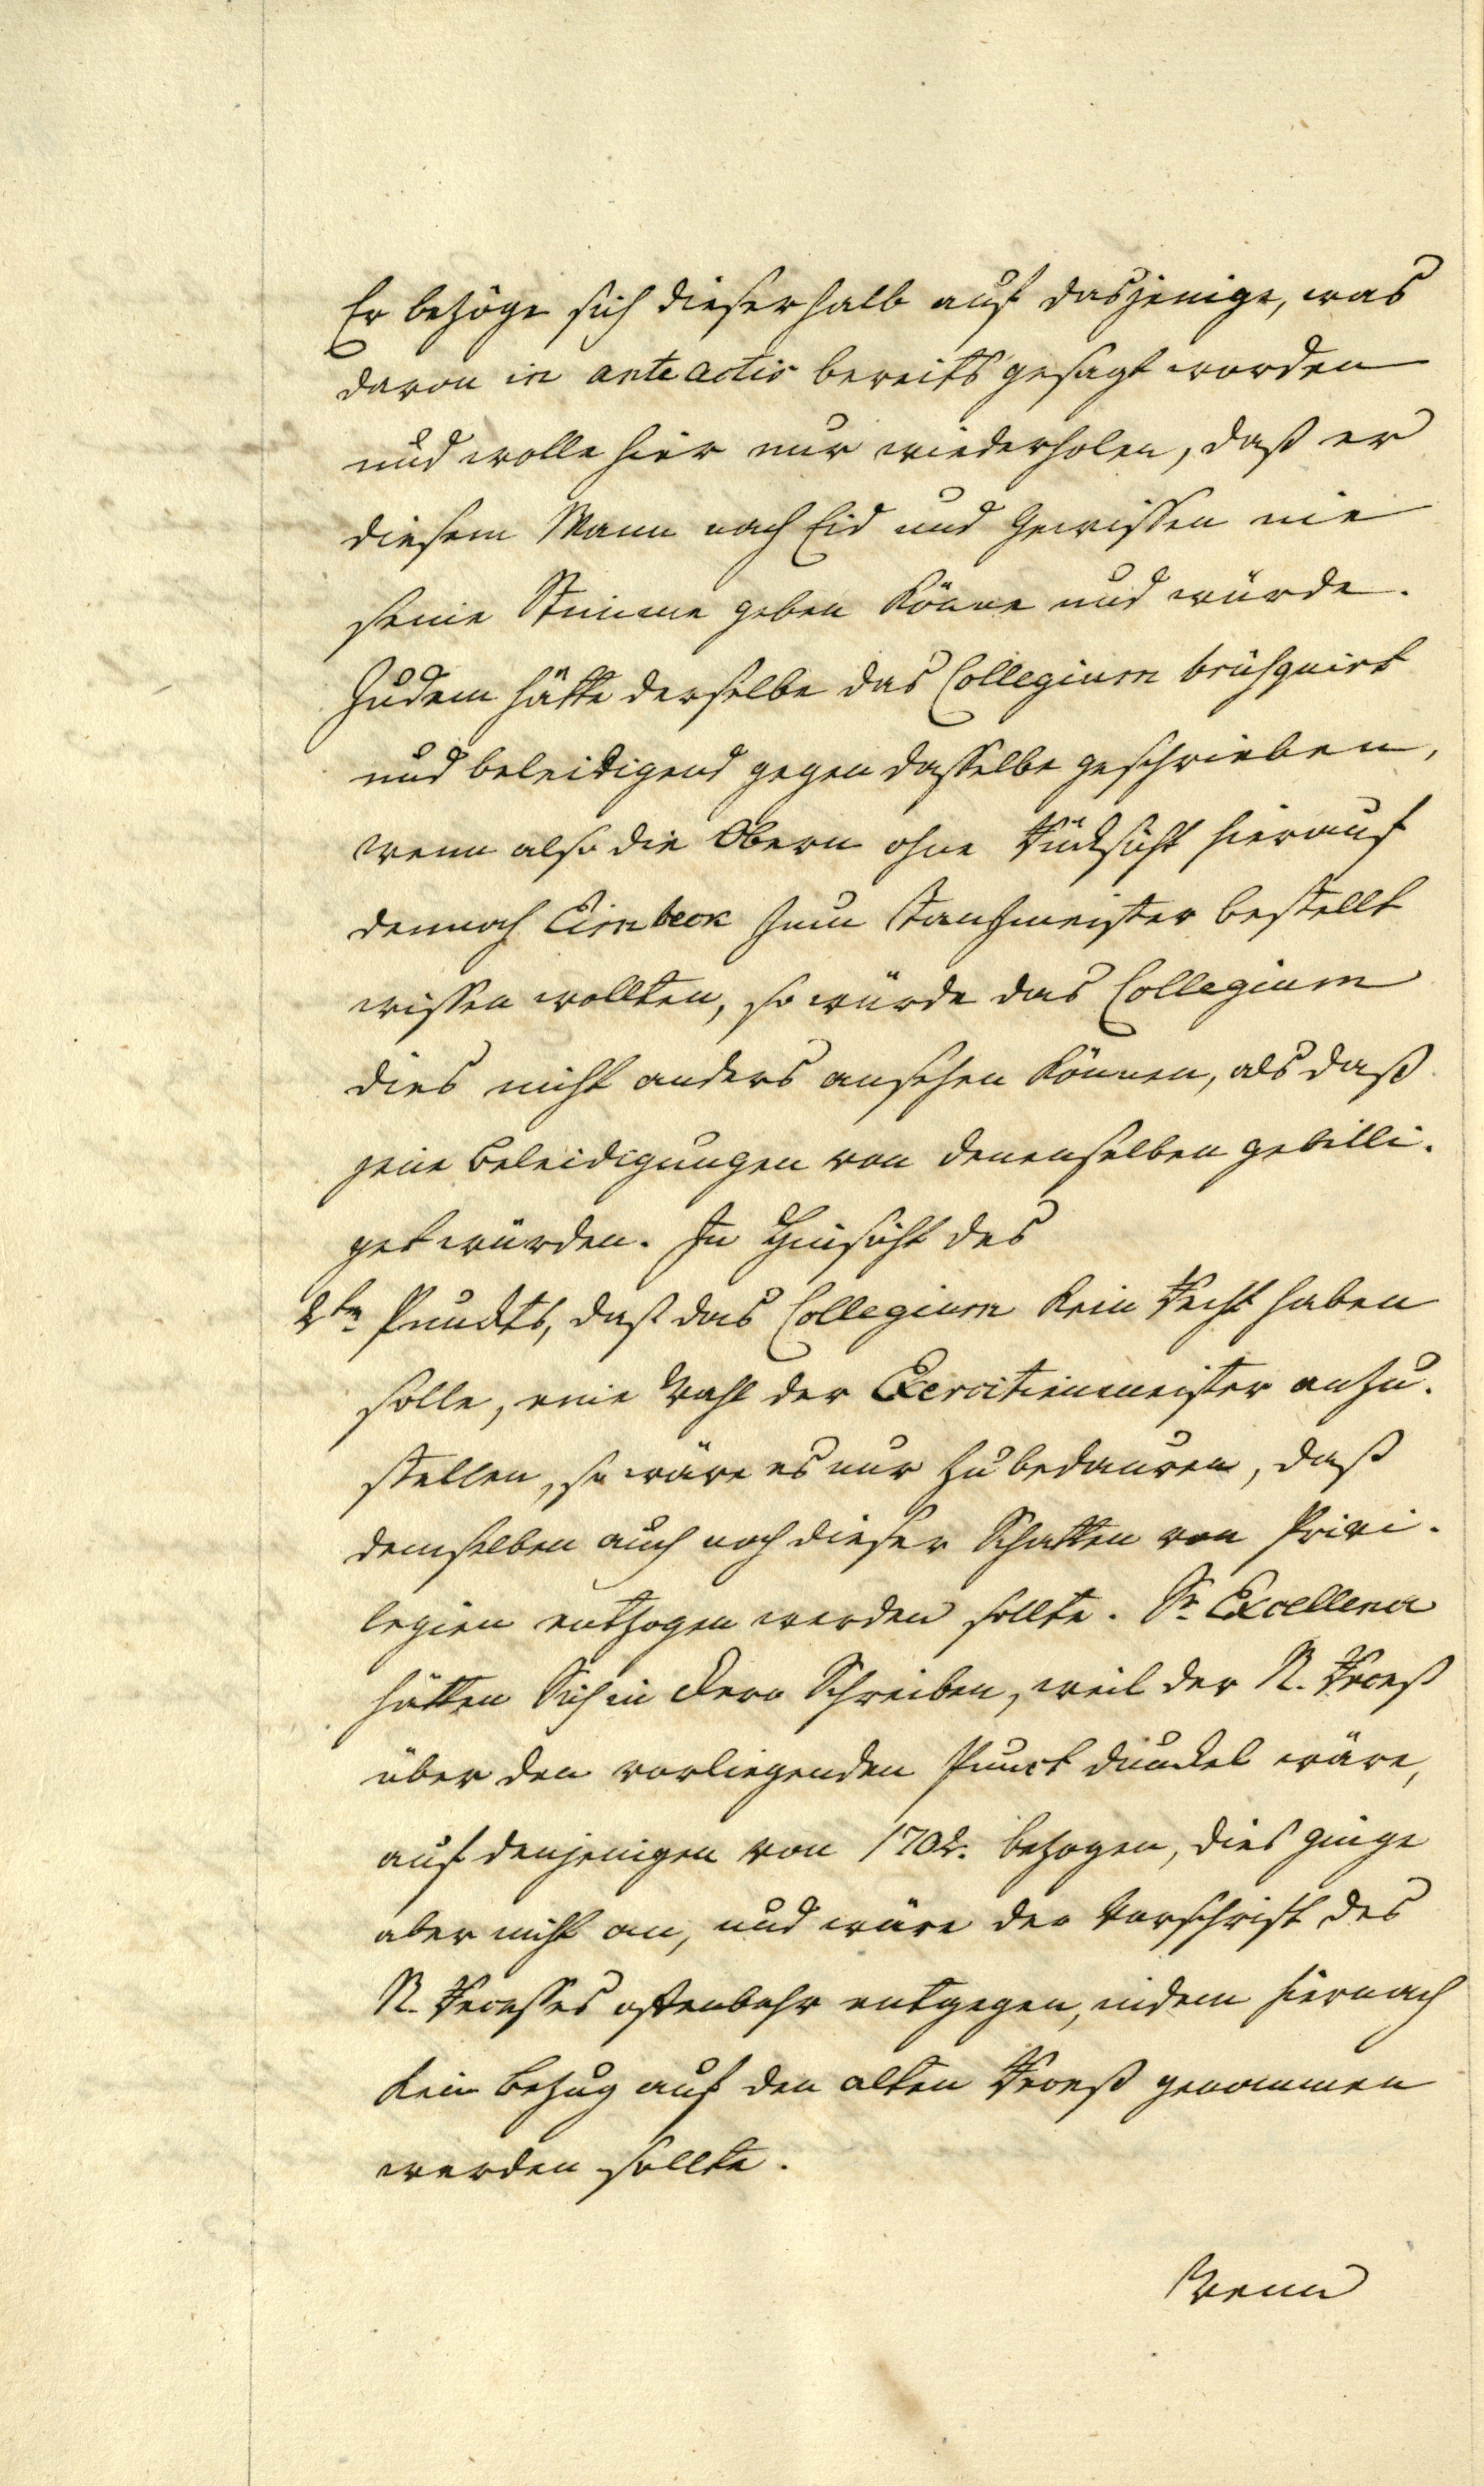Er bezöge sich dieserhalb auf dasjenige, was
davon in ante Actis bereits gesagt worden
und wolle hier nur wiederholen, daß er
diesem Mann nach Eid und Gewissen nie
seine Stimme geben könne und würde.
Zudem hätte derselbe das Collegium brüsquirt
und beleidigend gegen dasselbe geschrieben,
wenn also die Obern ohne Rücksicht hierauf
dennoch Eimbeck zum Tanzmeister bestellt
wissen wollten, so würde das Collegium
dies nicht anders ansehen können, als daß
eine Beleidigungen von denenselben gebilli¬
get würden. In Hinsicht des
2 ten Punckts, daß das Collegium kein Recht haben
solle, eine Wahl der Exercitienmeister anzu¬
stellen, so wäre es nur zu bedauren, daß
demselben auch noch dieser Schatten von Privi-
legien entzogen werden sollte. Sr Excellence
hätten Sich in Dero Schreiben, weil der N. Receß
über den vorliegenden Punct dunckel wäre,
auf denjenigen von 1702. bezogen, dies ginge
aber nicht an, und wäre der Vorschrift des
N Recesses offenbahr entgegen, indem hiernach
kein Bezug auf den alten Receß genommen
werden sollte.
Wenn